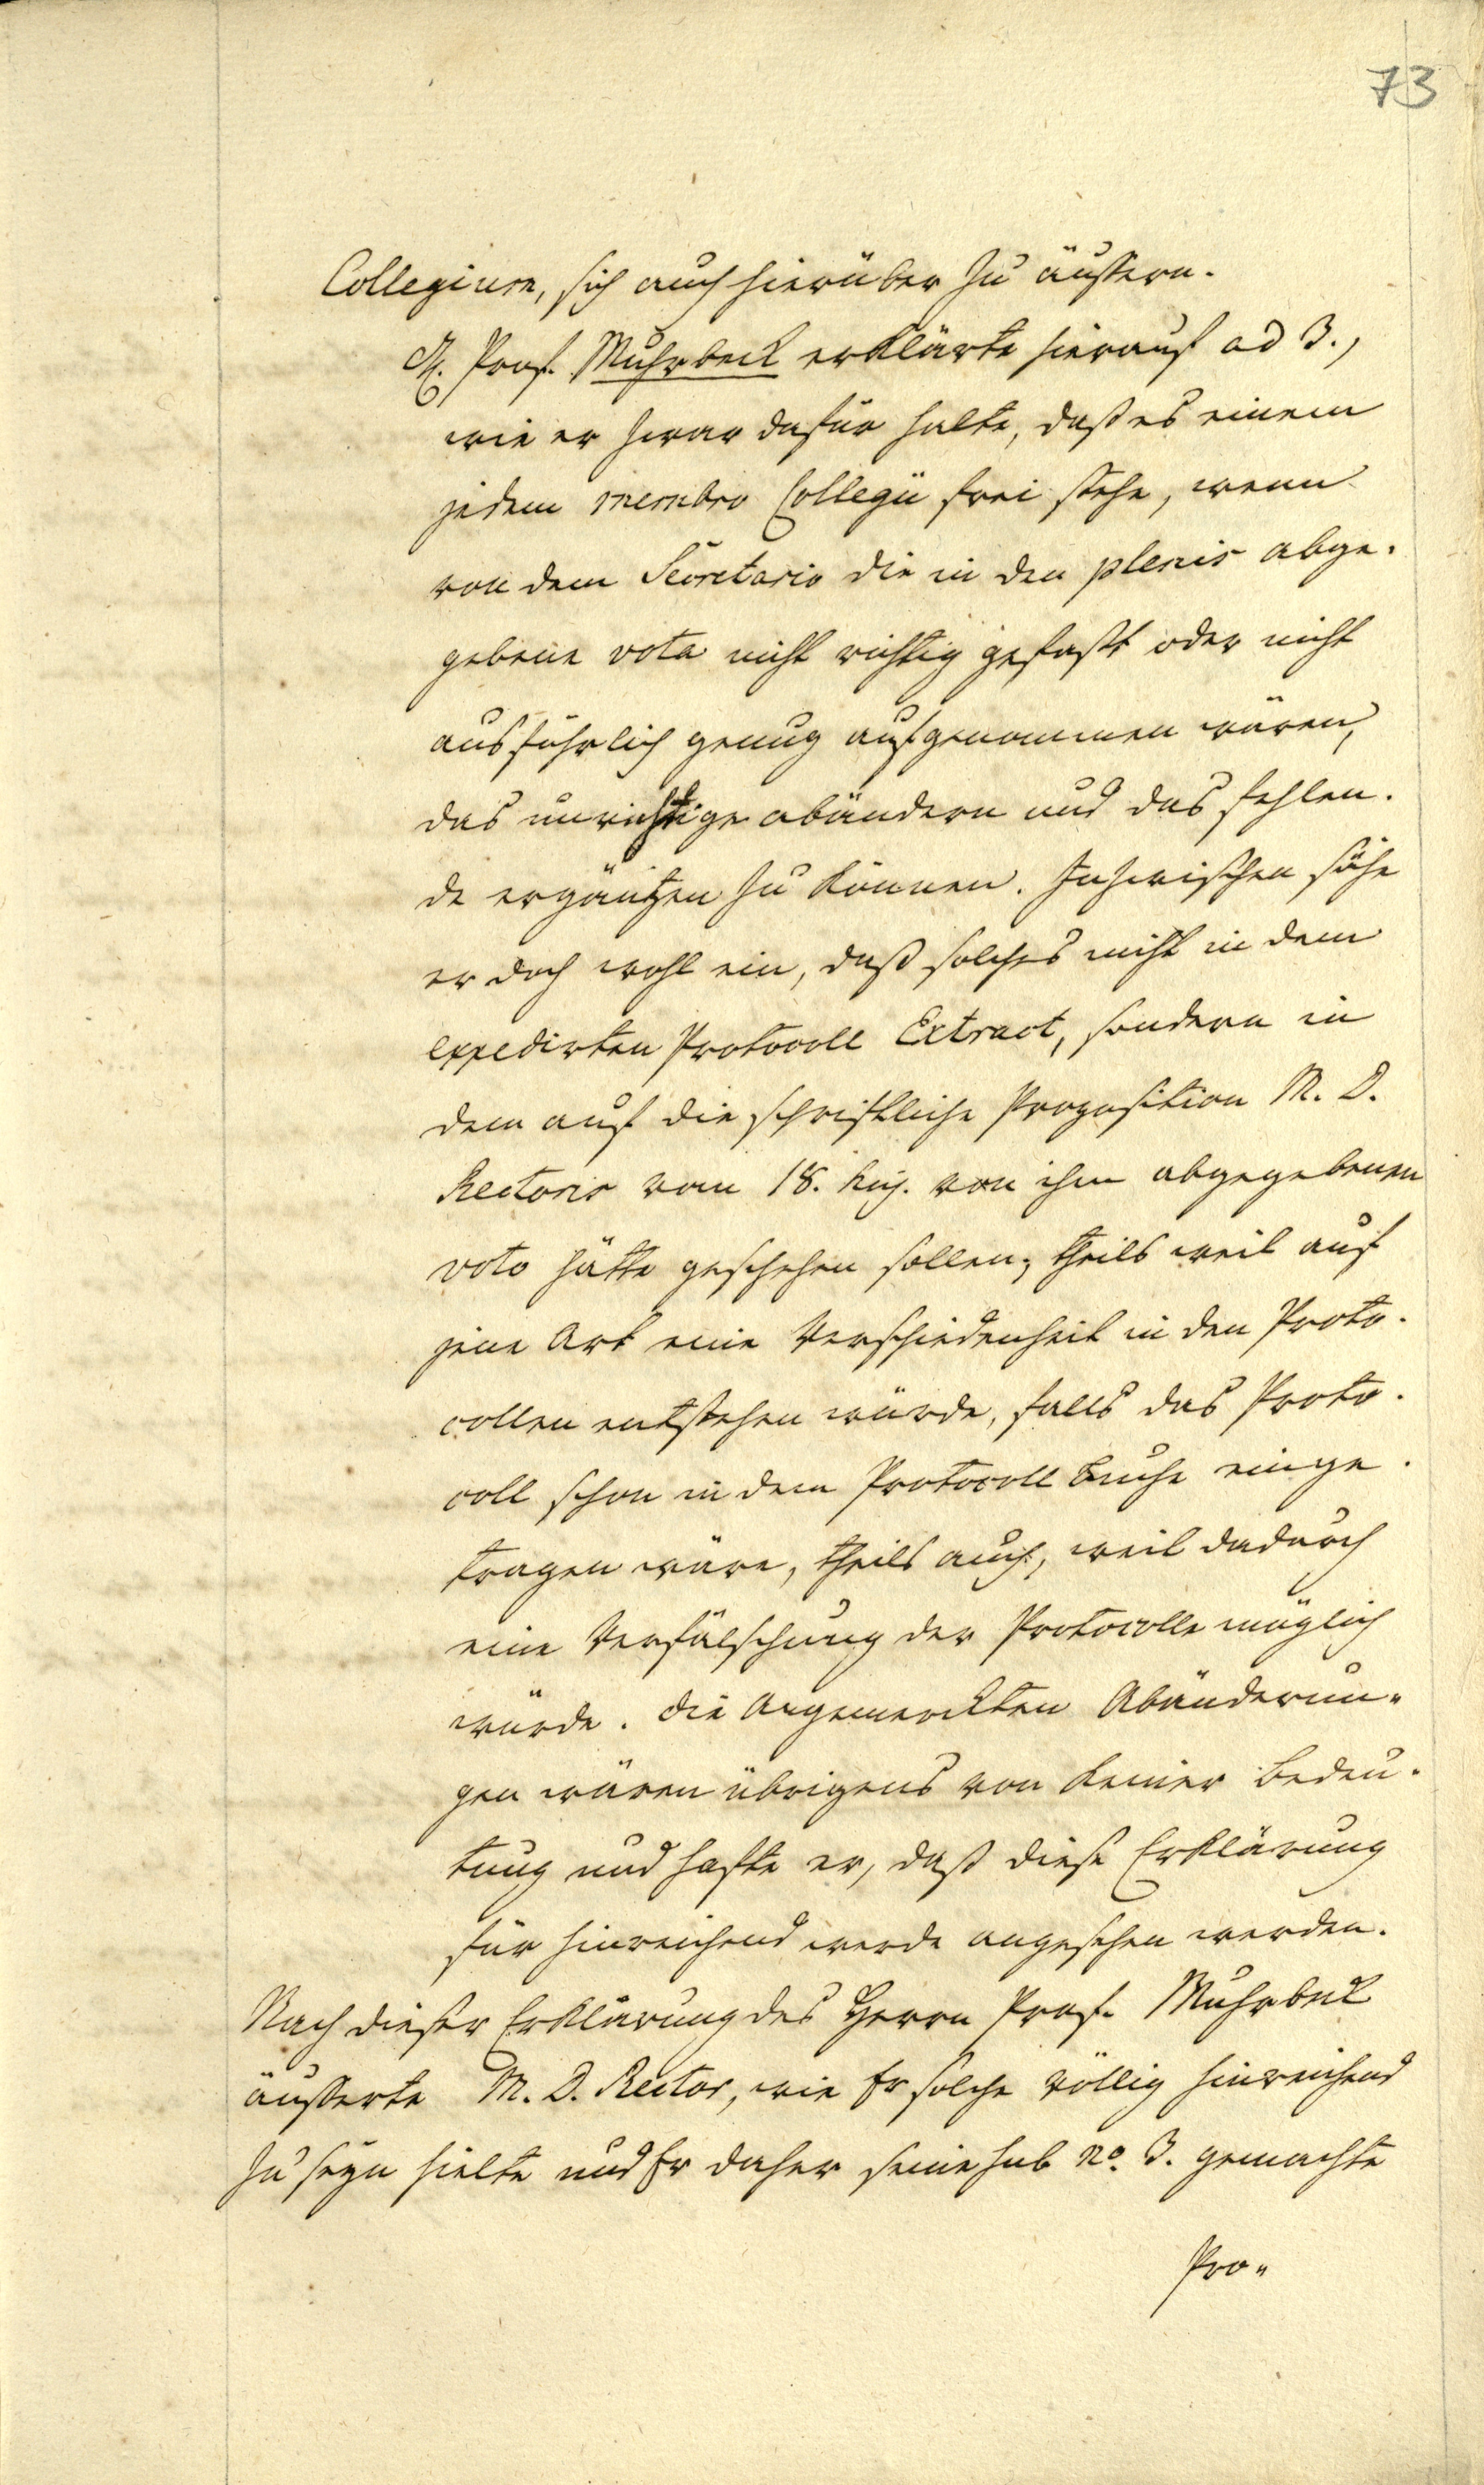Collegium, sich auch hierüber zu äussern.
dh. Prof. Muhrbeck erklärte hierauf ad 3.,
wie er zwar dafür halte, daß es einem
jedem membro Collegii frei stehe, wenn
von dem Secretario die in den plenis abge¬
gebene vota nicht richtig gefaßt oder nicht
ausführlich genug aufgenommen wären,
das unrichtige abändern und das fehlen¬
de ergäntzen zu können. Inzwischen sähe
er doch wohl ein, daß solches nicht in dem
expedirten Protocoll Extract, sondern in
dem auf die schriftliche Proposition M. D.
Rectoris vom 18. huj. von ihm abgegebenen
voto hätte geschehen sollen; theils weil auf
jene Art eine Verschiedenheit in den Proto¬
collen entstehen würde, falls das Proto¬
coll schon in dem Protocoll Buche einge¬
tragen wäre, theils auch, weil dadurch
eine Verfälschung der Protocolle möglich
würde. die Angemerckten Abänderun¬
gen wären übrigens von keiner Bedeu¬
tung und hofte er, daß diese Erklärung
für hinreichend werde angesehen werden.
Nach dieser Erklärung des Herrn Prof. Muhrbeck
äusserte M. D. Rector, wie Er solche völlig hinreichend
zu seÿn hielte und Er daher seine sub No. 3. gemachte
Pro¬